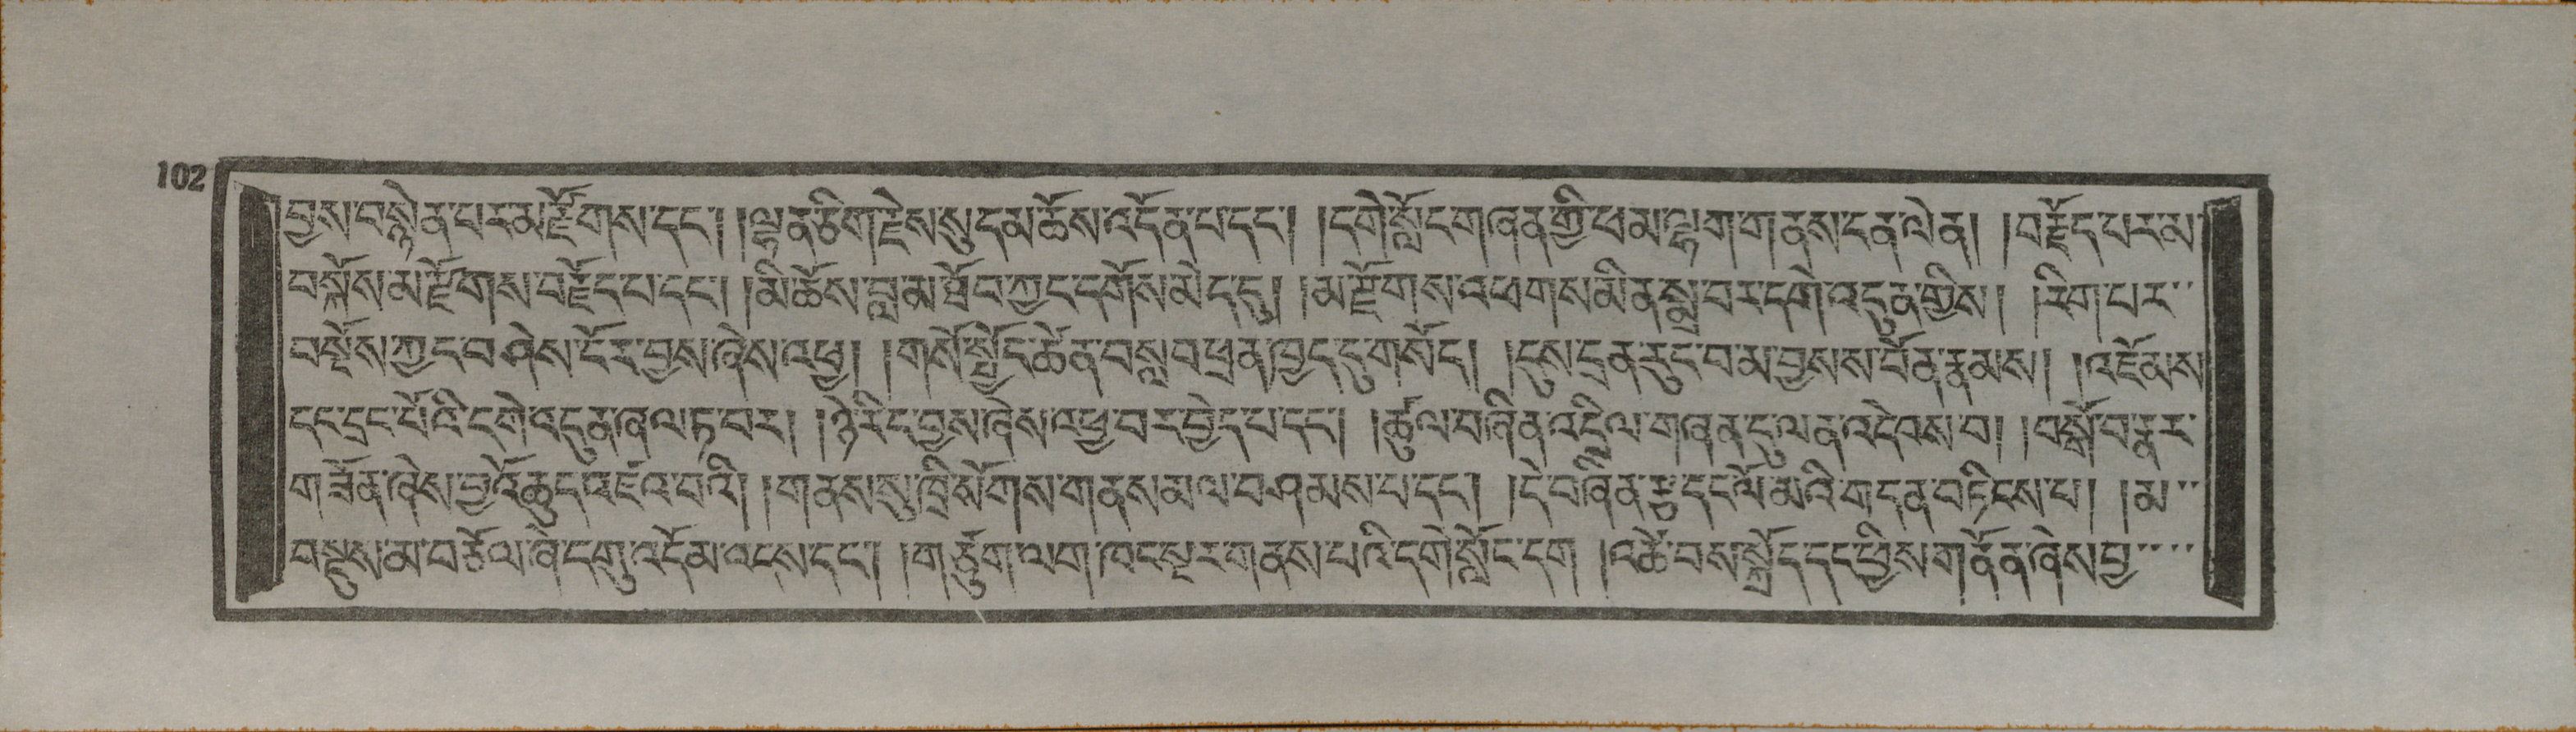བྱས་བསྙེན་པར་མ་རྫོགས་དང་། །ལྷན་ཅིག་རྗེས་སུ་དམ་ཆོས་འདོན་པ་དང་། །དགེ་སློང་གཞན་གྱི་ཕམ་ལྷག་གནས་ངན་ལེན། །བརྗོད་པར་མ་
བསྐོས་མ་རྫོགས་བརྗོད་པ་དང་། །མི་ཆོས་བླ་མ་ཐོབ་ཀྱང་དགོས་མེད་དུ། །མ་རྫོགས་འཕགས་མིན་སྨྲ་བར་དགེ་འདུན་གྱིས། །རིག་པར་
བསྔོས་ཀྱང་བཤེས་ངོར་བྱས་ཞེས་འཕྱ། །གསོ་སྦྱོང་ཚེ་ན་བསླབ་ཕྲན་ཁྱད་དུ་གསོད། །དུས་དྲན་རུང་བ་མ་བྱས་ས་བོན་རྣམས། །འཇོམས་
དང་དྲང་པོའི་དགེ་འདུན་ཞལ་ཏ་པར། །ཉེ་རིང་བྱས་ཞེས་འཕྱ་བར་བྱེད་པ་དང་། །ཚུལ་བཞིན་འདྲི་ལ་གཞན་དུ་ལན་འདེབས་པ། །བསྒོ་བ་རྣར་
གཟོན་ཞེས་བྱའོ་ཆུང་འཛའ་བའི། །གནས་སུ་ཁྲི་སོགས་གནས་མ་ལ་བཤམས་པ་དང་། །དེ་བཞིན་རྩ་དང་ལོ་མའི་གདན་བཏིངས་པ། །མ་
བསྡུས་མ་བཅོལ་ཞེ་དགུ་འདོམ་འདས་དང་། །གཙུག་ལག་ཁང་སྔར་གནས་པའི་དགེ་སློང་དག །འཚེ་བས་སྒྲོད་དང་ཕྱིས་གནོན་ཞེས་བྱ་